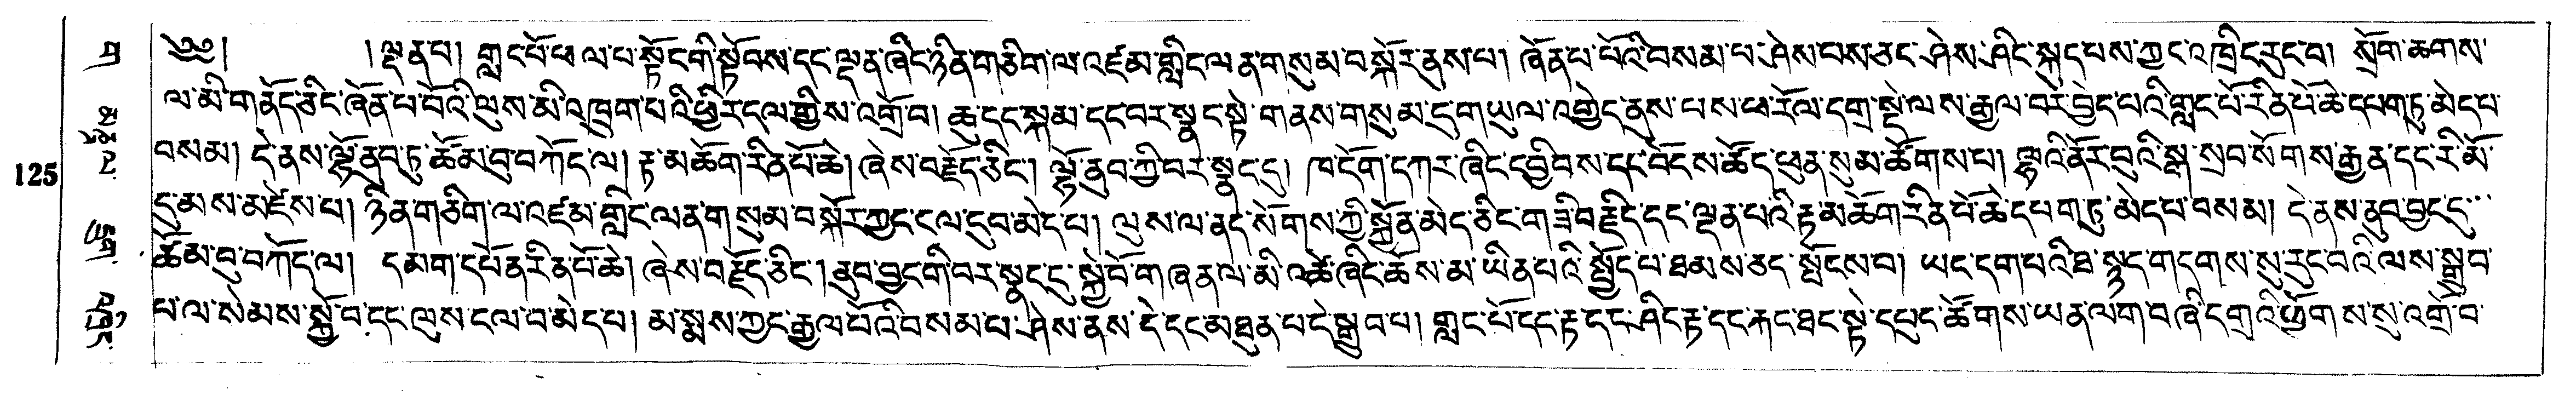༄༅། །ལྡན་པ། གླང་པོ་ཕལ་པ་སྟོང་གི་སྟོབས་དང་ལྡན་ཞིང་ཉིན་གཅིག་ལ་འཛམ་གླིང་ལན་གསུམ་བསྐོར་ནུས་པ། ཞོན་པ་པོའི་བསམ་པ་ཤེས་པས་ཅང་ཤེས་ཤིང་སྐུད་པས་ཀྱང་འཁྲིད་རུང་བ། སྲོག་ཆགས་
ལ་མི་གནོད་ཅིང་ཞོན་པ་པོའི་ལུས་མི་འཁྲུག་པའི་ཕྱིར་དལ་གྱིས་འགྲོ་བ། ཆུ་དང་སྐམ་དང་བར་སྣང་སྟེ་གནས་གསུམ་དུ་གཡུལ་འགྱེད་ནུས་པས་ཕ་རོལ་དགྲ་སྡེ་ལས་རྒྱལ་བར་བྱེད་པའི་གླང་པོ་རིན་པོ་ཆེ་དཔག་ཏུ་མེད་པ་
བསམ། དེ་ནས་ལྷོ་ནུབ་ཏུ་ཚོམ་བུ་བཀོད་ལ། རྟ་མཆོག་རིན་པོ་ཆེ། ཞེས་བརྗོད་ཅིང་། ལྷོ་ནུབ་ཀྱི་བར་སྣང་དུ། ཁ་དོག་དཀར་ཞིང་དབྱིབས་དང་བོངས་ཚོད་ཕུན་སུམ་ཚོགས་པ། ལྷའི་ནོར་བུའི་སྒ་སྲབ་སོགས་རྒྱན་དང་རི་མོ་
དུ་མས་མཛེས་པ། ཉིན་གཅིག་ལ་འཛམ་གླིང་ལན་གསུམ་བསྐོར་ཀྱང་ངལ་དུབ་མེད་པ། ལུས་ལ་ནད་སོགས་ཀྱི་སྐྱོན་མེད་ཅིང་གཟི་བརྗིད་དང་ལྡན་པའི་རྟ་མཆོག་རིན་པོ་ཆེ་དཔག་ཏུ་མེད་པ་བསམ། དེ་ནས་ནུབ་བྱང་དུ་
ཚོམ་བུ་བཀོད་ལ། དམག་དཔོན་རིན་པོ་ཆེ། ཞེས་བརྗོད་ཅིང་། ནུབ་བྱང་གི་བར་སྣང་དུ་སྐྱེ་བོ་གཞན་ལ་མི་འཚེ་ཞིང་ཆོས་མ་ཡིན་པའི་སྤྱོད་པ་ཐམས་ཅད་སྤོངས་བ། ཡང་དག་པའི་ཐ་སྙད་གདགས་སུ་རུང་བའི་ལས་སྒྲུབ་
པ་ལ་སེམས་སྐྱོ་བ་དང་ལུས་ངལ་བ་མེད་པ། མ་སྨས་ཀྱང་རྒྱལ་པོའི་བསམ་པ་ཤེས་ནས་དེ་དང་མཐུན་པ་དེ་སྒྲུབ་པ། གླང་པོ་དང་རྟ་དང་ཤིང་རྟ་དང་རྐང་ཐང་སྟེ་དཔུང་ཚོགས་ཡན་ལག་བཞི་དགྲའི་ཕྱོགས་སུ་འགྲོ་བ་